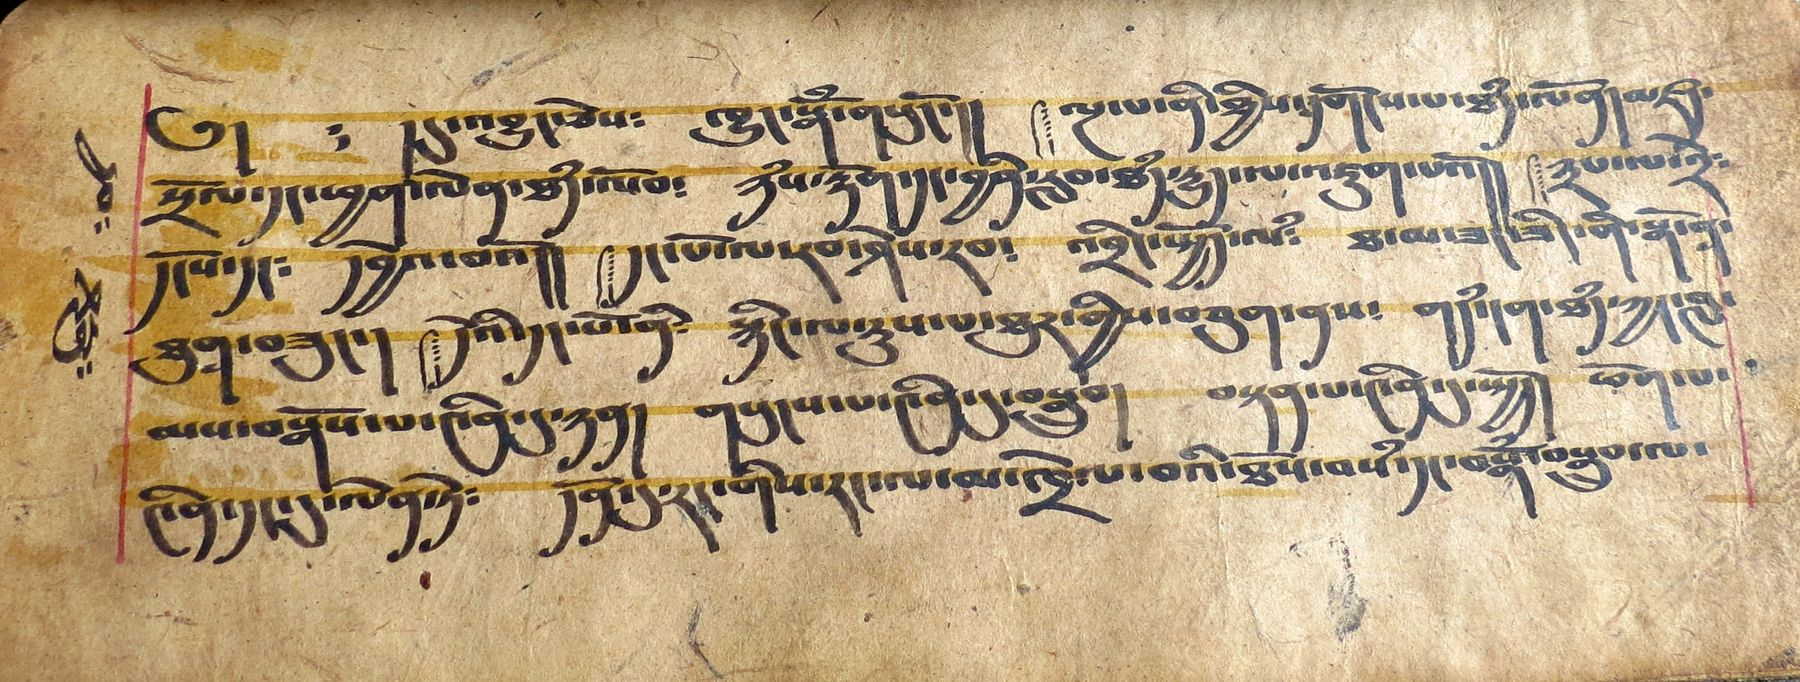དུ་འབྱུང་། ཞེས་ཁྱུང་སྒོམ་གྱིས་གསུངས། ལྔ་པ་༼བསྟན་པའི་མདོ་ཆེ་བ༽ནི། ཐུགས་ཀྱི་དགོངས་པ་ཐམས་ཅད་ལོན། མཛད་
སྲོལ་དང་ཕྱག་ལེན་ཐམས་ཅད་ལོབས། ཉམས་རྟོགས་དང་བྱིན་རླབས་ཐམས་ཅད་རྒྱུད་ལ་འཇུག་པའོ། ། ༧གསུམ་པ་༼བསྟེན་པའི་རིམ་པ་ལ༽གཉིས་ཏེ། 
དངོས་དང་དབྱེ་བའོ། དང་པོ་ལ་རབ་ཤེས་རབ། འབྲིང་སྤྱོད་ལམ། ཐ་མ་ཟང་ཟིང་གི་སྒོ་ནས་
ཐུགས་བཟུང་། དེའི་དང་པོ་ནི་སྙིང་ལ་རུས་པ་ཐུར་གྱིས་བཅུག་ནས་གདམས་ངག་ཐམས་ཅད་ཀྱང་། བླ་
མས་བཤད་པ་བཞིན་དུ་ཉན། གསུངས་པ་བཞིན་དུ་བསྒྲུབ། བསྟན་པ་བཞིན་དུ་སྤྱོད། ཕོག་པ་
བཞིན་དུ་ལེན་ཏེ། དོན་དུ་རང་གིས་རང་ལ་མ་ཁྲེལ་བའི་ཐོས་བསམ་དང་སྒོམ་སྒྲུབ་ལ་